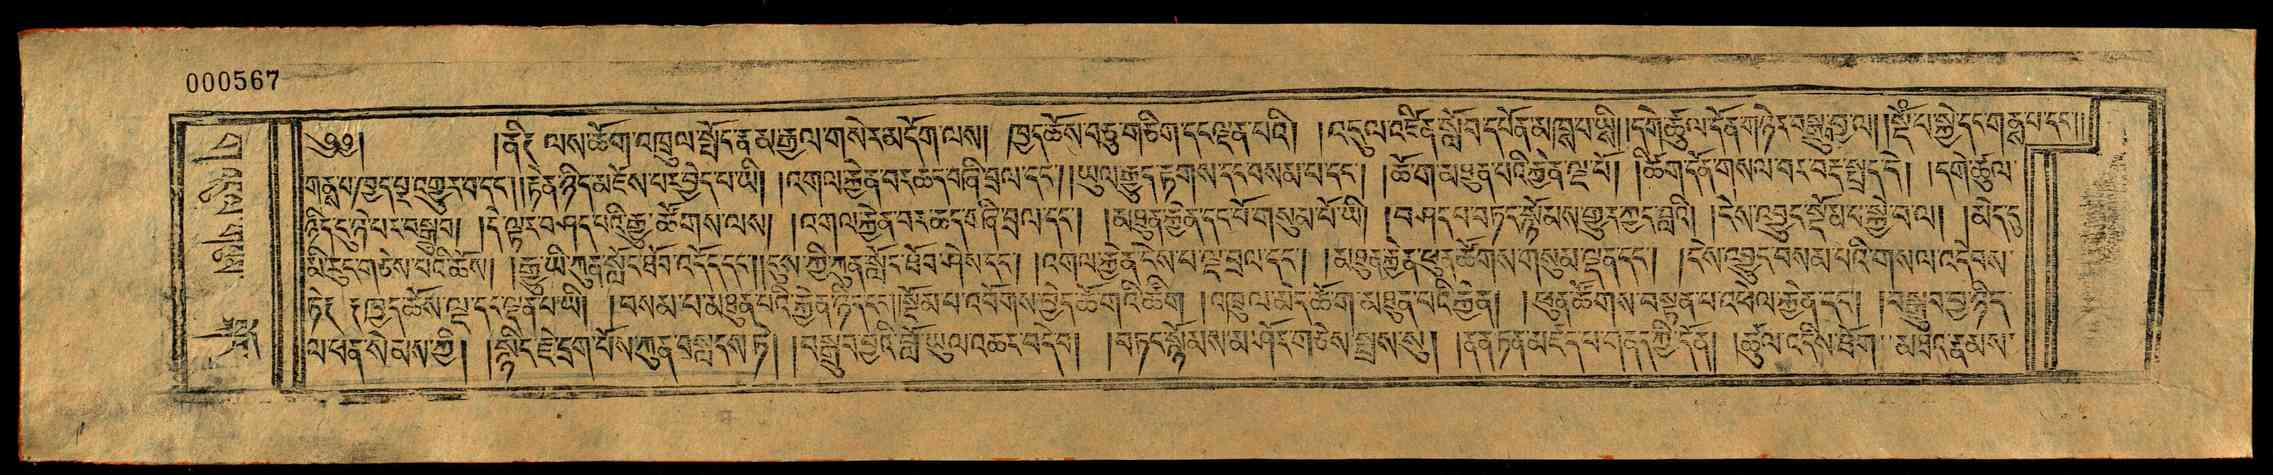༄༅། །ནི། ལས་ཆོག་འཁྲུལ་སྤོང་རྣམ་རྒྱལ་གསེར་མདོག་ལས། ཁྱད་ཆོས་བཅུ་གཅིག་དང་ལྡན་པའི། །འདུལ་འཛིན་སློབ་དཔོན་མཁས་པ་ཡིས། །དགེ་ཚུལ་དོན་གཉེར་བསྲུ་བྱ་ལ། །སྡོཾ་པ་སྐྱེ་དང་གནས་པ་དང་
གནས་པ་ཁྱད་པར་འགྱུར་བ་དང་། །རྟེན་ཉིད་མཛེས་པར་བྱེད་པ་ཡི། །འགལ་རྐྱེན་བར་ཆད་བཞི་བྲལ་དང་། །ཡུལ་རྒྱུད་རྟགས་དང་བསམ་པ་དང་། །ཆོ་ག་མཐུན་པའི་རྐྱེན་ལྔ་པོ། །ཚིག་དོན་གསལ་བར་བརྡ་སྤྲད་དེ། །དགེ་ཚུལ་
ཉིད་དུ་ཉེ་བར་བསྒྲུབ། །དེ་ལྟར་བཤད་པའི་རྒྱུ་ཚོགས་ལས། །འགལ་རྐྱེན་བར་ཆད་བཞི་བྲལ་དང་། །མཐུན་རྐྱེན་དང་པོ་གསུམ་པོ་ཡི། །བཤད་པ་བཏང་སྙོམས་གྱུར་ཀྱང་ཟླའི། །ངེས་འབྱུང་སྡོམ་པ་སྐྱེ་བ་ལ། །མེད་དུ་
མི་རུང་གཅེས་པའི་ཆོས། །རྒྱུ་ཡི་ཀུན་སློང་ཐོབ་འདོད་དང་། །དུས་ཀྱི་ཀུན་སློང་ཐོབ་ཤེས་དང་། །འགལ་རྐྱེན་ངེས་པ་ལྔ་བསལ་དང་། །མཐུན་རྐྱེན་ཕུན་ཚོགས་གསུམ་ལྡན་དང་། །ངེས་འབྱུང་བསམ་པའི་གསོལ་འདེབས་
ཏེ། །ཁྱད་ཆོས་ལྔ་དང་ལྡན་པ་ཡི། །བསམ་པ་མཐུན་པའི་རྐྱེན་ཉིད་དང་། སྡོམ་པ་འབོགས་བྱེད་ཆོ་གའི་ཆིག །འཁྲུལ་མེད་ཆོ་ག་མཐུན་པའི་རྐྱེན། །ཕུན་ཚོགས་བསྟན་པ་འཕེལ་རྐྱེན་དང་། །བསྒྲུབ་བྱ་ཉིད་
ལ་ཕན་སེམས་ཀྱི། །སྙིང་རྗེ་དྲག་པོས་ཀུན་བསླངས་ཏེ། །བསྒྲུབ་བྱའི་བློ་ཡུལ་འཆང་བདེ་བ། བཏང་སྙོམས་མ་ཤོར་གཅེས་སྤྲས་སུ། །དྲན་ཏན་མཛད་པ་གནད་ཀྱི་དོན། །ཚུལ་འདིས་ཐོག་མཐའ་རྣམས་